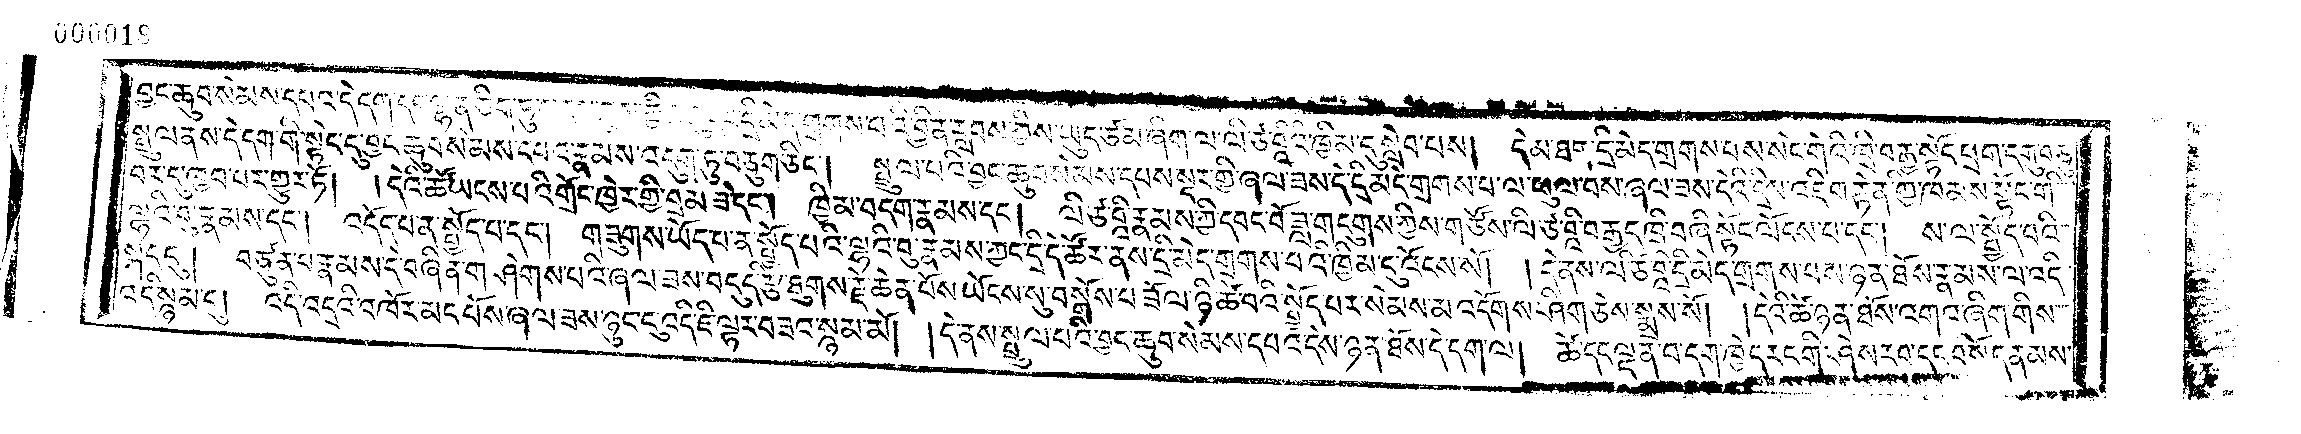བྱང་ཆུབ་སེམས་དཔའ་དེ་དག་དང་ལྷན་ཅིག་ཏུ་སངས་རྒྱས་ཀྱི་མཐུ་དང་དྲི་མེད་གྲགས་པའི་བྱིན་རླབས་ཀྱིས་ཡུད་ཙམ་ཞིག་ལ་ལི་ཙ་བཱིའི་ཁྱིམ་དུ་སླེབ་པས། དེ་མ་ཐག་དྲི་མེད་གྲགས་བས་སེང་གེའི་ཁྲི་བརྒྱ་སྟོང་ཕྲག་དགུ་བཅུ་
སྤྲུལ་ནས་དེ་དག་གི་སྟེང་དུ་བྱང་ཆུབ་སེམས་དཔའ་རྣམས་འདུག་ཏུ་བཅུག་ཅིང་། སྤྲུལ་པའི་བྱང་ཆུབ་སེམས་དཔས་སྔར་གྱི་ཞལ་ཟས་དེ་དྲི་མེད་གྲགས་པ་ལ་ཕུལ་བས་ཞལ་ཟས་དེའི་དྲིས་འཇིག་རྟེན་གྱི་ཁམས་སྟོང་གི་
བར་དུ་ཁྱབ་པར་གྱུར་ཏོ། །དེའི་ཚེ་ཡངས་པའི་གྲོང་ཁྱེར་གྱི་བྲམ་ཟེ་དང་། ཁྱིམ་བདག་རྣམས་དང་། ལི་ཙ་བཱི་རྣམས་ཀྱི་དབང་པོ་ཟླ་གདུགས་ཀྱིས་གཙོས་ལི་ཙ་པཱི་བརྒྱད་ཁྲི་བཞི་སྟོང་ལོངས་པ་དང་། ས་ལ་སྤྱོད་པའི་
ལྷའི་བུ་རྣམས་དང་། འདོད་པ་ན་སྤྱོད་པ་དང་། གཟུགས་ཡོད་པ་ན་སྤྱོད་པའི་ལྷའི་བུ་རྣམས་ཀྱང་དྲི་དེ་ཚོར་ནས་དྲི་མེད་གྲགས་པའི་ཁྱིམ་དུ་འོངས་སོ། །དེ་ནས་ལི་ཙ་བཱི་དྲི་མེད་གྲགས་པས་ཉན་ཐོས་རྣམས་ལ་འདི་
སྐད་དུ། བཙུན་པ་རྣམས་དེ་བཞིན་གཤེགས་པའི་ཞལ་ཟས་བདུད་རྩི་ཐུགས་རྗེ་ཆེན་པོས་ཡོངས་སུ་བསྒོས་པ་ཟོ་ལ་ཉི་ཚེ་བའི་སྤྱོད་པར་སེམས་མ་འདོགས་ཤིག་ཅེས་སྨྲས་སོ། །དེའི་ཚེ་ཉན་ཐོས་འགའ་ཞིག་གིས་
འདི་སྙམ་དུ། འདི་འདྲའི་འཁོར་མང་པོས་ཞལ་ཟས་ཉུང་དུ་འདི་ཇི་ལྟར་བཟའ་སྙམ་མོ། །དེ་ནས་སྤྲུལ་པའི་བྱང་ཆུབ་སེམས་དཔའ་དེས་ཉན་ཐོས་དེ་དག་ལ། ཚེ་དང་ལྡན་པ་དག་ཁྱེད་རང་གི་ཤེས་རབ་དང་བསོད་ནམས་